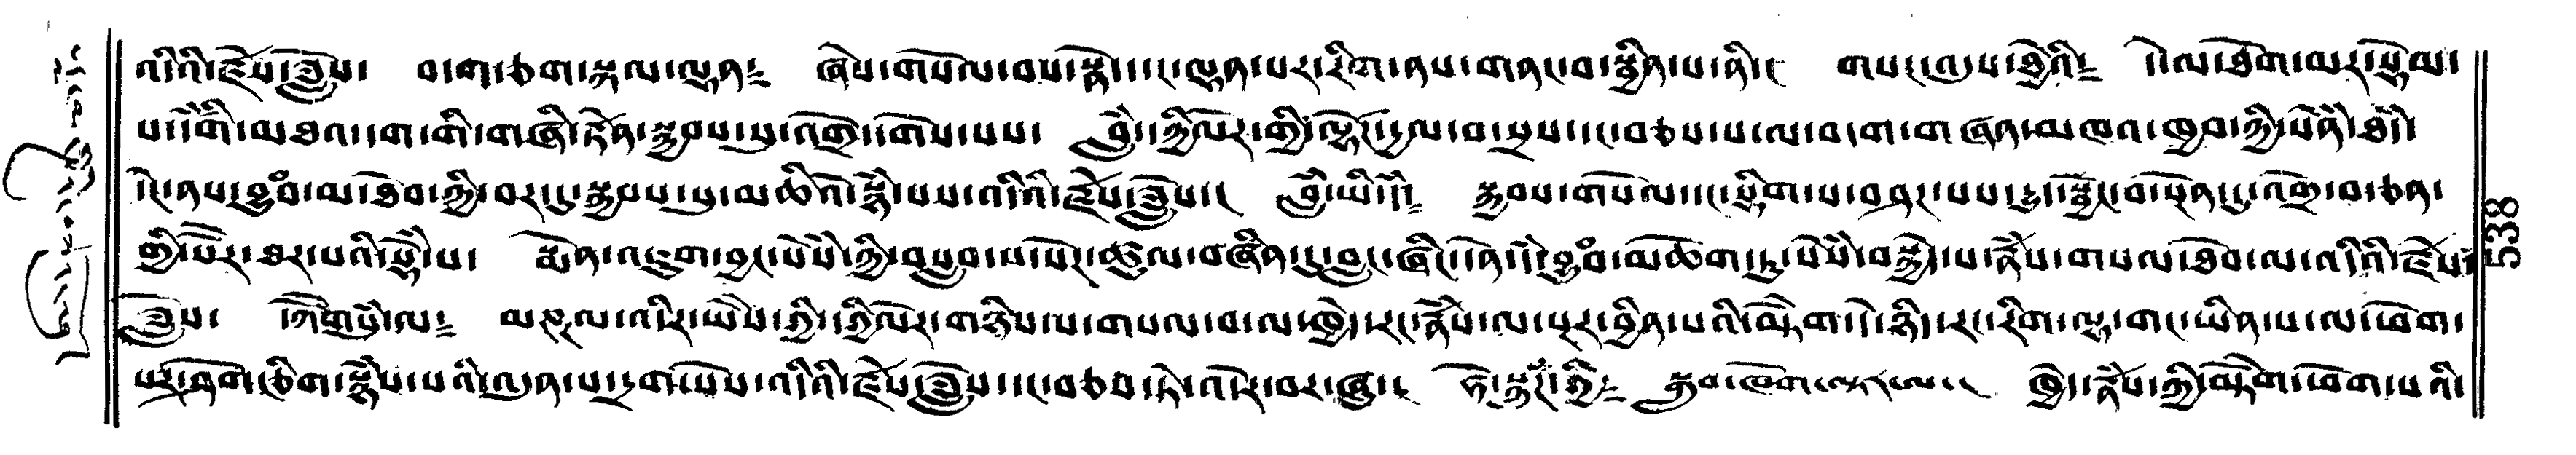འདིའི་རྗེས་ཟློས། བདག་ཅག་སྐལ་ལྡན༴ ཞེས་གསོལ་བས་སྣོད་དང་ལྡན་པར་རིག་ནས་གནང་བ་སྦྱིན་པ་ནི།གསང་འདུས་ཐུགས་རྗེའི༴ དེ་ལ་ཐོག་མར་སྡོམ་
པ་དམ་ཚིག་མཐའ་དག་གི་གཞི་རྟེན་སྐྱབས་སུ་འགྲོ་དགོས་པས་བླ་མ་དཀྱིལ་འཁོར་གྱི་ལྷ་ཕྱོགས་རྒྱལ་བ་སྲས་དང་བཅས་པ་ལ་བདག་གཞན་མཁའ་ཁྱབ་གྱི་སེམས་ཅན་ཐམས་ཅད་
དོང་ནས་བྱང་ཆུབ་མ་ཐོབ་ཀྱི་བར་དུ་སྐྱབས་སུ་མཆིའོ་སྙམ་པས་འདིའི་རྗེས་ཟློས། བླ་མ་ཡི་དམ༴ སྐྱབས་གསོལ་དང་སྡིག་པ་བཤགས་པས་རྒྱུད་སྦྱོང་བ་སྔོན་དུ་འགྲོ་བ་ཅན་
གྱི་སོ་སོར་ཐར་པའི་སྡོམ་པ་སྨོན་འཇུག་བྱང་སེམས་ཀྱིས་བསླབ་པ་སོགས་ཚུལ་བཞིན་དུ་བླང་ཞིང་དོན་དམ་བྱང་ཆུབ་མཆོག་ཏུ་སེམས་སྐྱེད་པ་རྣམས་གསལ་ཐོབ་ལ་འདིའི་རྗེས་
ཟློས། དཀོན་མཆོག་གསུམ་ལ༴ མཎྜལ་འདིར་ཡེ་ཤེས་ཀྱི་དཀྱིལ་འཁོར་གཉིས་པ་གསལ་བ་ལ་ཁྱེད་རང་རྣམས་ལ་སྔར་བྱིན་པའི་མེ་ཏོག་དེ་ཉིད་རང་རང་གི་ལྷ་གང་ཡིན་པ་ལ་ཕོག་
པར་ཤོག་ཅིག་སྙམ་པའི་འདུན་པ་དྲག་པོས་འདིའི་རྗེས་ཟློས་དང་བཅས་ཏེ་འདོར་བར་ཞུ། ཧོ་སྐུ་གསུང་ཐུགས་ཀྱྀ་སྒྲུབ་ཁོག་ལྟར་ལ་ཁྱེད་རྣམས་ཀྱི་མེ་ཏོག་ཕོག་པའི་